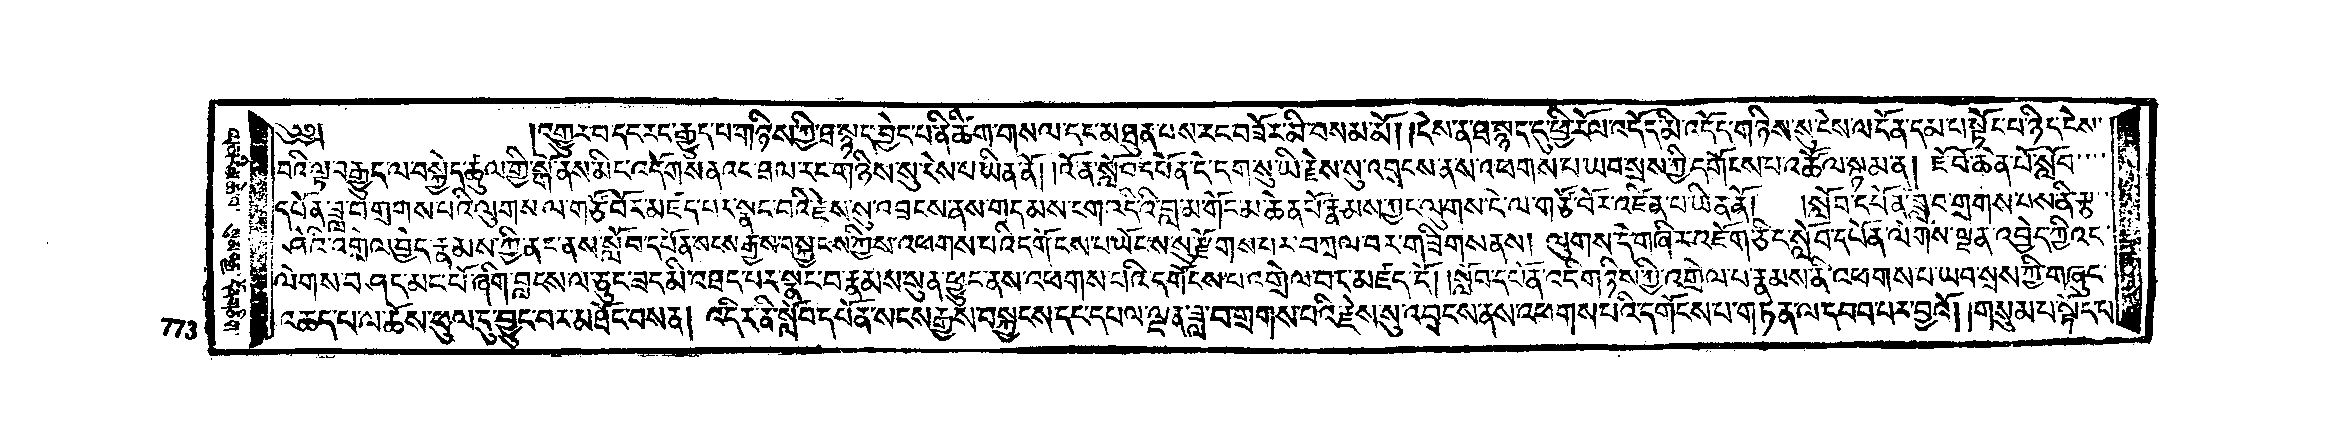༄༅། །འགྱུར་བ་དང་རང་རྒྱུད་པ་གཉིས་ཀྱི་ཐ་སྙད་བྱེད་པ་ནི་ཚིག་གསལ་དང་མཐུན་པས་རང་བཟོར་མི་བསམ་མོ། །དེས་ན་ཐ་སྙད་དུ་ཕྱི་རོལ་འདོད་མི་འདོད་གཉིས་སུ་ངེས་ལ་དོན་དམ་པ་སྟོང་པ་ཉིད་ངེས་
བའི་ལྟ་བ་རྒྱུད་ལ་བསྐྱེད་ཚུལ་གྱི་སྒོ་ནས་མིང་འདོགས་ནའང་ཐལ་རང་གཉིས་སུ་ངེས་པ་ཡིན་ནོ། །འོ་ན་སློབ་དཔོན་དེ་དག་སུ་ཡི་རྗེས་སུ་འབྲངས་ནས་འཕགས་པ་ཡབ་སྲས་ཀྱི་དགོངས་པ་འཚོལ་སྙམ་ན། ཇོ་བོ་ཆེན་པོ་སློབ་
དཔོན་ཟླ་བ་གྲགས་པའི་ལུགས་ལ་གཙོ་བོར་མཛད་པར་སྣང་བའི་རྗེས་སུ་འབྲངས་ནས་གདམས་ངག་འདིའི་བླ་མ་གོང་མ་ཆེན་པོ་རྣམས་ཀྱང་ལུགས་དེ་ལ་གཙོ་བོར་འཛིན་པ་ཡིན་ནོ། །སློབ་དཔོན་ཟླ་བ་གྲགས་པས་ནི་རྩ་
ཤེའི་འགྲེལ་བྱེད་རྣམས་ཀྱི་ནང་ནས་སློབ་དཔོན་སངས་རྒྱས་བསྐྱངས་ཀྱིས་འཕགས་པའི་དགོངས་པ་ཡོངས་སུ་རྫོགས་པར་བཀྲལ་བར་གཟིགས་ནས། ལུགས་དེ་གཞིར་འཇོག་ཅིང་སློབ་དཔོན་ལེགས་ལྡན་འབྱེད་ཀྱིའང་
ལེགས་བཤད་མང་པོ་ཞིག་བླངས་ལ་ཅུང་ཟད་མི་འཐད་པར་སྣང་བ་རྣམས་སུན་ཕྱུང་ནས་འཕགས་པའི་དགོངས་པ་འགྲེལ་བར་མཛད་དོ། །སློབ་དཔོན་འདི་གཉིས་ཀྱི་འགྲེལ་པ་རྣམས་ནི་འཕགས་པ་ཡབ་སྲས་ཀྱི་གཞུང་
འཆད་པ་ལ་ཆེས་ཕུལ་དུ་བྱུང་བར་མཐོང་བས་ན། འདིར་ནི་སློབ་དཔོན་སངས་རྒྱས་བསྐྱངས་དང་དཔལ་ལྡན་ཟླ་བ་གྲགས་པའི་རྗེས་སུ་འབྲངས་ནས་འཕགས་པའི་དགོངས་པ་གཏན་ལ་དབབ་པར་བྱའོ། །གསུམ་པ་སྟོང་པ་